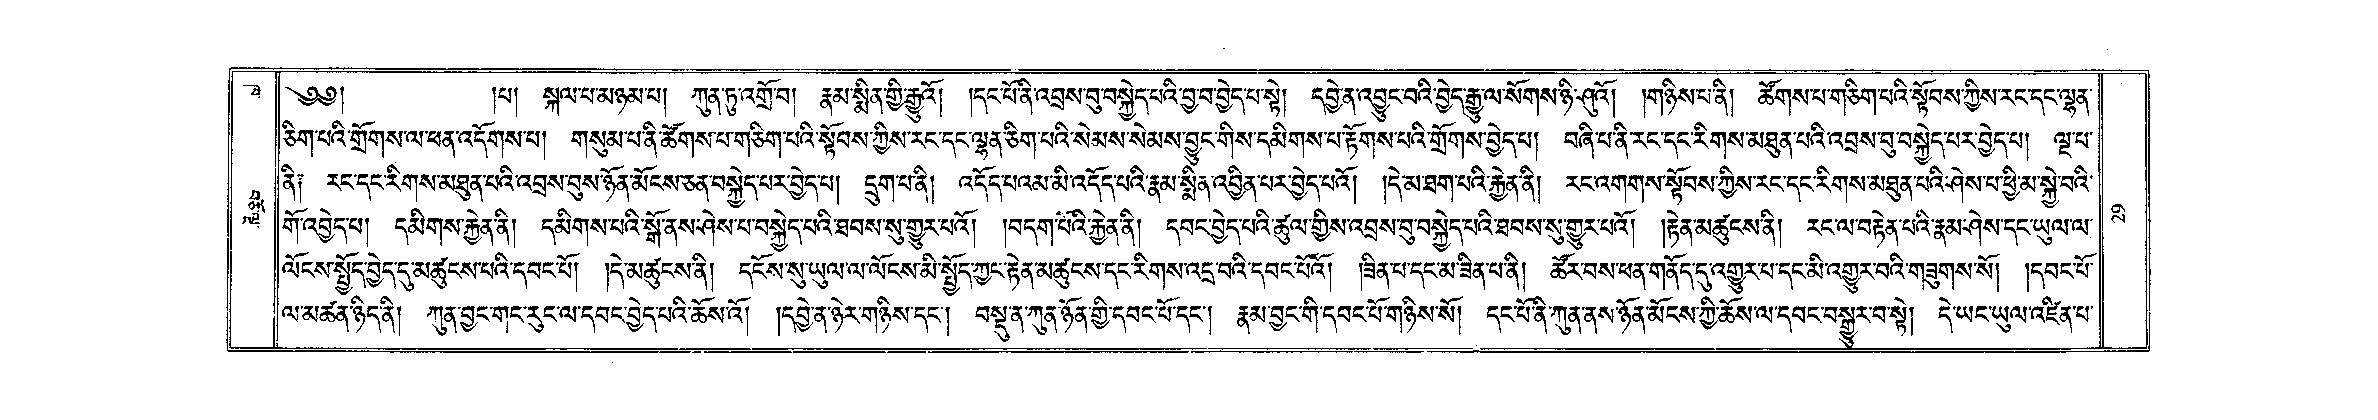༄༅། །པ། སྐལ་པ་མཉམ་པ། ཀུན་ཏུ་འགྲོ་བ། རྣམ་སྨིན་གྱི་རྒྱུའོ། །དང་པོ་ནི་འབྲས་བུ་བསྐྱེད་པའི་བྱ་བ་བྱེད་པ་སྟེ། དབྱེ་ན་འབྱུང་བའི་བྱེད་རྒྱུ་ལ་སོགས་ཉི་ཤུའོ། །གཉིས་པ་ནི། ཚོགས་པ་གཅིག་པའི་སྟོབས་ཀྱིས་རང་དང་ལྷན་
ཅིག་པའི་གྲོགས་ལ་ཕན་འདོགས་པ། གསུམ་པ་ནི་ཚོགས་པ་གཅིག་པའི་སྟོབས་ཀྱིས་རང་དང་ལྷན་ཅིག་པའི་སེམས་སེམས་བྱུང་གིས་དམིགས་པ་རྟོགས་པའི་གྲོགས་བྱེད་པ། བཞི་པ་ནི་རང་དང་རིགས་མཐུན་པའི་འབྲས་བུ་བསྐྱེད་པར་བྱེད་པ། ལྔ་པ་
ནི༑ རང་དང་རིགས་མཐུན་པའི་འབྲས་བུས་ཉོན་མོངས་ཅན་བསྐྱེད་པར་བྱེད་པ། དྲུག་པ་ནི། འདོད་པའམ་མི་འདོད་པའི་རྣམ་སྨིན་འབྱིན་པར་བྱེད་པའོ། །དེ་མ་ཐག་པའི་རྐྱེན་ནི། རང་འགགས་སྟོབས་ཀྱིས་རང་དང་རིགས་མཐུན་པའི་ཤེས་པ་ཕྱི་མ་སྐྱེ་བའི་
གོ་འབྱེད་པ། དམིགས་རྐྱེན་ནི། དམིགས་པའི་སྒོ་ནས་ཤེས་པ་བསྐྱེད་པའི་ཐབས་སུ་གྱུར་པའོ། །བདག་པོའི་རྐྱེན་ནི། དབང་བྱེད་པའི་ཚུལ་གྱིས་འབྲས་བུ་བསྐྱེད་པའི་ཐབས་སུ་གྱུར་པའོ། །རྟེན་མཚུངས་ནི། རང་ལ་བརྟེན་པའི་རྣམ་ཤེས་དང་ཡུལ་ལ་
ལོངས་སྤྱོད་བྱེད་དུ་མཚུངས་པའི་དབང་པོ། །དེ་མཚུངས་ནི། དངོས་སུ་ཡུལ་ལ་ལོངས་མི་སྤྱོད་ཀྱང་རྟེན་མཚུངས་དང་རིགས་འདྲ་བའི་དབང་པོའོ། །ཟིན་པ་དང་མ་ཟིན་པ་ནི། ཚོར་བས་ཕན་གནོད་དུ་འགྱུར་པ་དང་མི་འགྱུར་བའི་གཟུགས་སོ། །དབང་པོ་
ལ་མཚན་ཉིད་ནི། ཀུན་བྱང་གང་རུང་ལ་དབང་བྱེད་པའི་ཆོས་འོ། །དབྱེ་ན་ཉེར་གཉིས་དང་། བསྡུ་ན་ཀུན་ཉོན་གྱི་དབང་པོ་དང་། རྣམ་བྱང་གི་དབང་པོ་གཉིས་སོ། དང་པོ་ནི་ཀུན་ནས་ཉོན་མོངས་ཀྱི་ཆོས་ལ་དབང་བསྒྱུར་བ་སྟེ། དེ་ཡང་ཡུལ་འཛིན་པ་